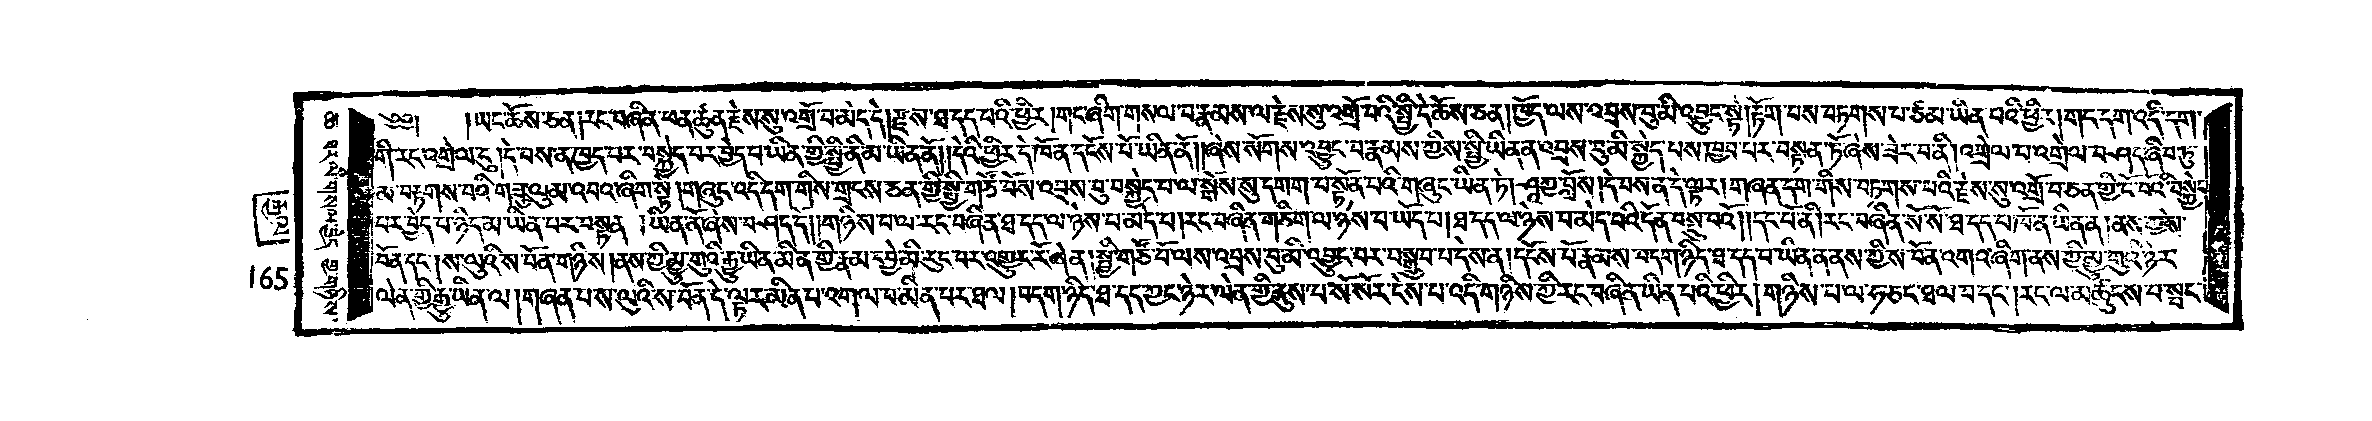༄༅། །ཡང་ཆོས་ཅན། རང་བཞིན་ཕན་ཚུན་རྗེས་སུ་འགྲོ་བ་མེད་དེ། རྫས་ཐ་དད་པའི་ཕྱིར། གང་ཞིག་གསལ་བ་རྣམས་ལ་རྗེས་སུ་འགྲོ་བའི་སྤྱི་དེ་ཆོས་ཅན། ཁྱོད་ལས་འབྲས་བུ་མི་འབྱུང་སྟེ། རྟོག་པས་བཏགས་པ་ཙམ་ཡིན་པའི་ཕྱིར། གང་དག་འདི་དག་
གི་རང་འགྲེལ་དུ། དེ་བས་ན་ཁྱད་པར་བསྐྱེད་པར་བྱེད་པ་ཡིན་གྱི་སྤྱི་ནི་མ་ཡིན་ནོ། །དེའི་ཕྱིར་དེ་ཁོ་ན་དངོས་པོ་ཡིན་ནོ། །ཞེས་སོགས་འབྱུང་བ་རྣམས་ཀྱིས་སྤྱི་ཡིན་ན་འབྲས་བུ་མི་སྐྱེད་པས་ཁྱབ་པར་བསྟན་ཏོ་ཞེས་ཟེར་བ་ནི། འགྲེལ་པ་འགྲེལ་བཤད་ཞིབ་ཏུ་
མ་བརྟགས་པའི་གཟུ་ལུམ་འབའ་ཞིག་སྟེ། གཞུང་འདི་དག་གིས་གྲངས་ཅན་གྱི་སྤྱི་གཙོ་བོས་འབྲས་བུ་བསྐྱེད་པ་ལ་སྒོས་སུ་དགག་པ་སྟོན་པའི་གཞུང་ཡིན་ཏེ། {ཤཱཀྱ}་བློས། དེ་བས་ན་དེ་ལྟར། གཞན་དག་གིས་བཏགས་པའི་རྗེས་སུ་འགྲོ་བ་ཅན་གྱི་ངོ་བོའི་བསྐྱེད་
པར་བྱེད་པ་ཉིད་མ་ཡིན་པར་བསྟན། ཡིན་ནོ་ཞེས་བཤད་དོ། །གཉིས་པ་ལ་རང་བཞིན་ཐ་དད་ལ་ཉེས་པ་མེད་པ། རང་བཞིན་གཅིག་ལ་ཉེས་པ་ཡོད་པ། ཐ་དད་ལ་ཉེས་པ་མེད་པའི་དོན་བསྡུ་པའོ། །དང་པོ་ནི། རང་བཞིན་སོ་སོ་ཐ་དད་པ་ཁོ་ན་ཡིན་ན། ནས་ཀྱི་ས་
བོན་དང་། ས་ལུའི་ས་བོན་གཉིས། ནས་ཀྱི་མྱུ་གུའི་རྒྱུ་ཡིན་མིན་གྱི་རྣམ་དབྱེ་མི་རུང་བར་འགྱུར་རོ་ཞེ་ན། སྤྱི་གཙོ་བོ་ལས་འབྲས་བུ་མི་འབྱུང་བར་བསྒྲུབ་པ་དེས་ན། དངོས་པོ་རྣམས་བདག་ཉིད་ཐ་དད་པ་ཡིན་ན་ནས་ཀྱི་ས་བོན་འགའ་ཞིག་ནས་ཀྱི་མྱུ་གུའི་ཉེར་
ལེན་གྱི་རྒྱུ་ཡིན་ལ། གཞན་པ་ས་ལུའི་ས་བོན་དེ་ལྟར་མིན་པ་འགལ་བ་མིན་པར་ཐལ། བདག་ཉིད་ཐ་དད་ཀྱང་ཉེར་ལེན་གྱི་ནུས་པ་སོ་སོར་ངེས་པ་འདི་གཉིས་ཀྱི་རང་བཞིན་ཡིན་པའི་ཕྱིར། གཉིས་པ་ལ་ཧ་ཅང་ཐལ་བ་དང་། རང་ལ་མཚུངས་པ་སྤང་